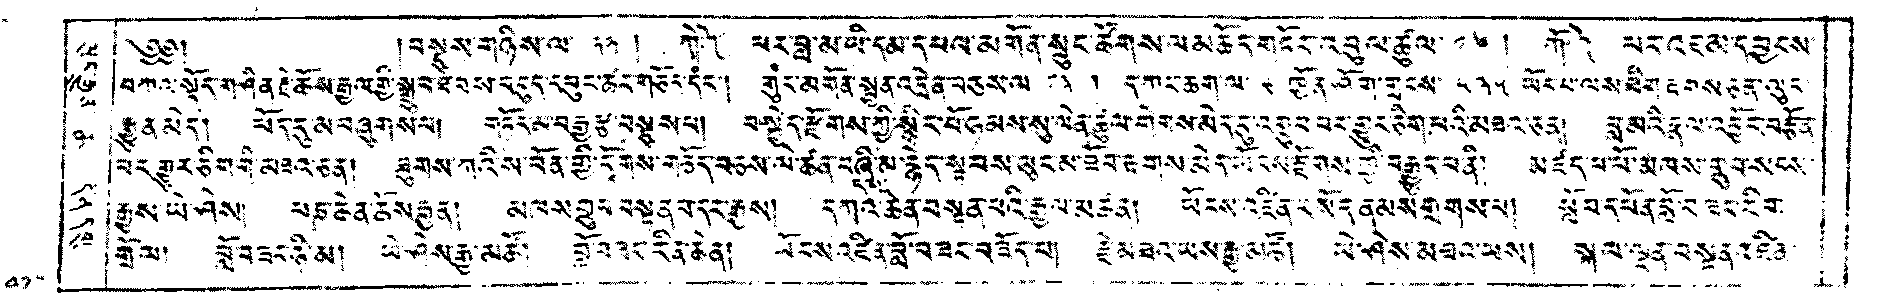༄༅། །བསྡུས་གཉིས་ལ ༢༢། ཀ྄ེ་པར་བླ་མ་ཡི་དམ་དཔལ་མགོན་སྲུང་ཚོགས་ལ་མཆོད་གཏོར་འབུལ་ཚུལ ༡༦། ཀ྄ོ་པར་འཇམ་དབྱངས་
བཀའ་སྡོད་གཤིན་རྗེ་ཆོས་རྒྱལ་གྱི་སྒྲུབ་ཐབས་བདུད་དཔུང་ཚར་གཅོད་དང྾། གུར྾་མགོན་སྤྱན་འདྲེན་བཅས་ལ ༡༣། དཀར་ཆག་ལ ༤་ཁྱོན་ཤོག་གྲངས ༥༣༥་ཡོད་པ་ལས་ཐིག་རྟགས་ཅན་ལུང་
རྒྱུན་མེད། པོད་དུ་མ་བཞུགས་པ། གཏོར་མ་བརྒྱ་རྩ་བསྡུས་པ། བསྐྱེད་རྫོགས་ཀྱི་སྙིང་པོ་ཉམས་སུ་ལེན་ཚུལ་གེགས་མེད་དུ་འགྲུབ་པར་གྱུར་ཅིག་པའི་མཐའ་ཅན། བླ་མའི་རྣལ་འབྱོར་བརྩོན་
པར་གྱུར་ཅིག་གི་མཐའ་ཅན། ཐུགས་ཀའི་ས་བོན་གྱི་དྭོགས་གཅོད་བཅས་ལེ་ཚན་བཞི་དཔེ་མ་རྙེད་སྟབས་ལུང་མ་ཐོབ་རྟགས་མེད་ཡོངས་རྫོགས་ཀྱི་བརྒྱུད་པ་ནི། མཛད་པ་པོ་མཁས་གྲུབ་སངས་
རྒྱས་ཡེ་ཤེས། པཎ་ཆེན་ཆོས་རྒྱན། མཁས་གྲུབ་བསྟན་པ་དར་རྒྱས། དཀའ་ཆེན་བསྟན་པའི་རྒྱལ་མཚན། ཡོངས་འཛིན་བསོད་ནམས་གྲགས་པ། སློབ་དཔོན་བློ་བཟང་རིག་
གྲོལ། བློ་བཟང་ཉི་མ། ཡེ་ཤེས་རྒྱ་མཚོ། བློ་བཟང་རིན་ཆེན། ཡོངས་འཛིན་བློ་བཟང་བཟོད་པ། རྗེ་མཐའ་ཡས་རྒྱ་མཚོ། ཡེ་ཤེས་མཐའ་ཡས། སྐལ་ལྡན་བསྟན་འཛིན།